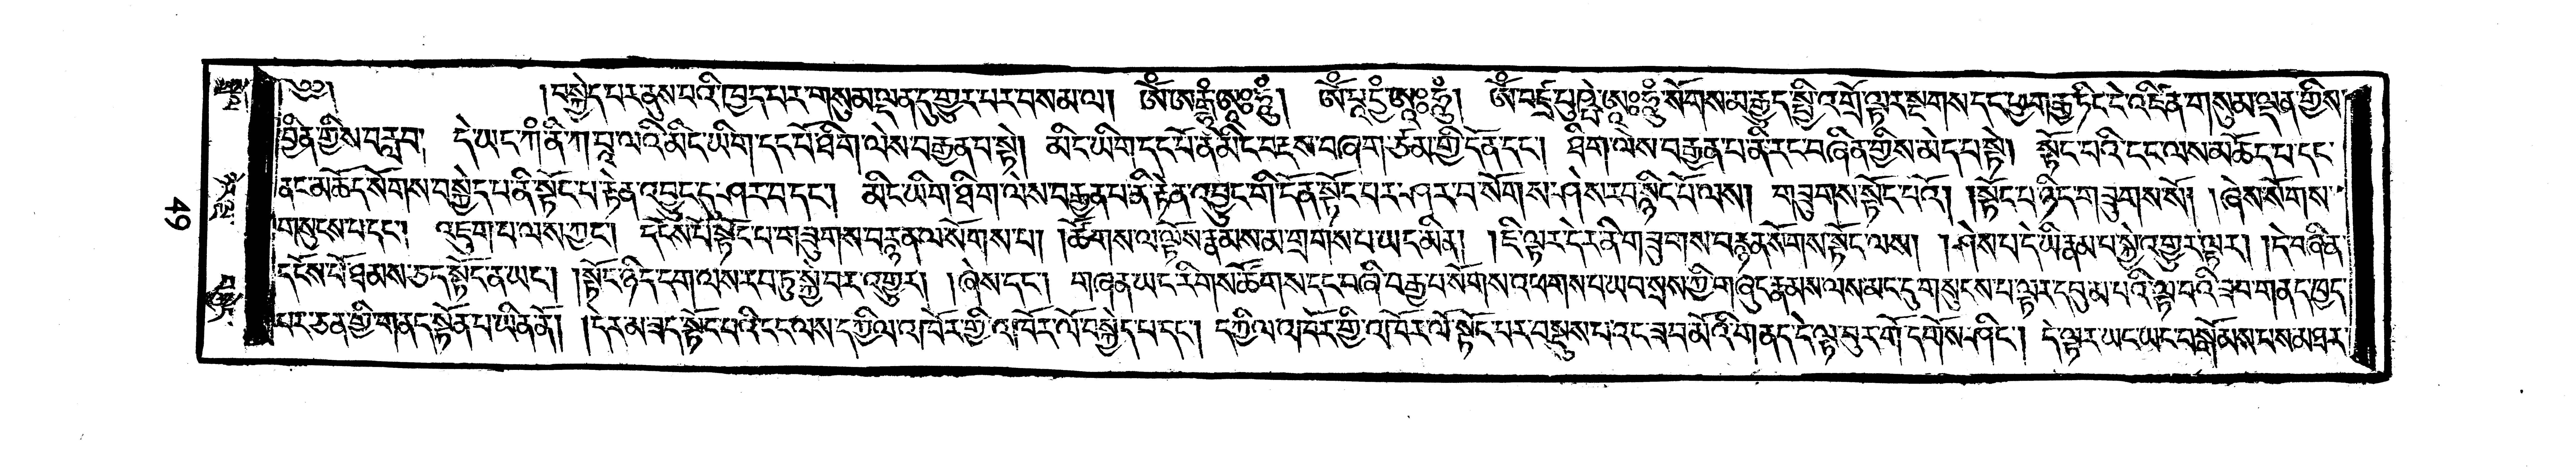༄༅། །བསྐྱེད་པར་ནུས་པའི་ཁྱད་པར་གསུམ་ལྡན་དུ་གྱུར་པར་བསམས་ལ། ཨོཾ་ཨརྒྷཾ་ཨཱཿཧཱུཾ། ཨོཾ་པཱདྱཾ་ཨཱཿཧཱུཾ། ཨོཾ་བཛྲ་པུཥྤེ་ཨཱཿཧཱུཾ་སོགས་མ་རྒྱུད་སྤྱི་འགྲོ་ལྟར་སྔགས་དང་ཕྱག་རྒྱ་ཏིང་ངེ་འཛིན་གསུམ་ལྡན་གྱིས་
བྱིན་གྱིས་བརླབ། དེ་ཡང་ཀཾ་ནི་ཀ་པཱ་ལའི་མིང་ཡིག་དང་པོ་ཐིག་ལེས་བརྒྱན་པ་སྟེ། མིང་ཡིག་དང་པོ་ནི་མིང་བརྔས་བཞག་ཙམ་གྱི་དོན་དང་། ཐིག་ལེས་བརྒྱན་པ་ནི་རང་བཞིན་གྱིས་མེད་པ་སྟེ། སྟོང་པའི་ངང་ལས་མཆོད་པ་དང་
ནང་མཆོད་སོགས་བསྐྱེད་པ་ནི་སྟོང་པ་རྟེན་འབྱུང་དུ་ཤར་བ་དང་། མིང་ཡིག་ཐིག་ལེས་བརྒྱན་པ་ནི་རྟེན་འབྱུང་གི་དོན་སྟོང་པར་ཤར་བ་སོགས་ཤེས་རབ་སྙིང་པོ་ལས། གཟུགས་སྟོང་པའོ། །སྟོང་པ་ཉིད་གཟུགས་སོ། །ཞེས་སོགས་
གསུངས་པ་དང་། འཇུག་པ་ལས་ཀྱང་། དངོས་པོ་སྟོང་པ་གཟུགས་བརྙན་ལ་སོགས་པ། །ཚོགས་ལ་ལྟོས་རྣམས་མ་གྲགས་པ་ཡང་མིན། །ཇི་ལྟར་དེར་ནི་གཟུགས་བརྙན་སོགས་སྟོང་ལས། །ཤེས་པ་དེ་ཡི་རྣམ་པ་སྐྱེ་འགྱུར་ལྟར། །དེ་བཞིན་
དངོས་པོ་ཐམས་ཅད་སྟོང་ན་ཡང་། །སྟོང་ཉིད་དག་ལས་རབ་ཏུ་སྐྱེ་བར་འགྱུར། །ཞེས་དང་། གཞན་ཡང་རིགས་ཚོགས་དང་བཞི་བརྒྱ་པ་སོགས་འཕགས་པ་ཡབ་སྲས་ཀྱི་གཞུང་རྣམས་ལས་མང་དུ་གསུངས་པ་ལྟར་དབུམ་པའི་ལྟ་བའི་ཟབ་གནད་ཁྱད་
པར་ཅན་གྱི་གནང་སྟོན་པ་ཡིན་ནོ། །དེར་མ་ཟད་སྟོང་པའི་ངང་ལས་དཀྱིལ་འཁོར་གྱི་འཁོར་ལོ་བསྐྱེད་པ་དང་། དཀྱིལ་འཁོར་གྱི་འཁོར་ལོ་སྟོང་པར་བསྡུས་པའང་ཟབ་མོའི་གནད་དེ་ལྟ་བུར་གོ་དགོས་ཤིང་། དེ་ལྟར་ཡང་ཡང་བསྒོམས་པས་མཐར་